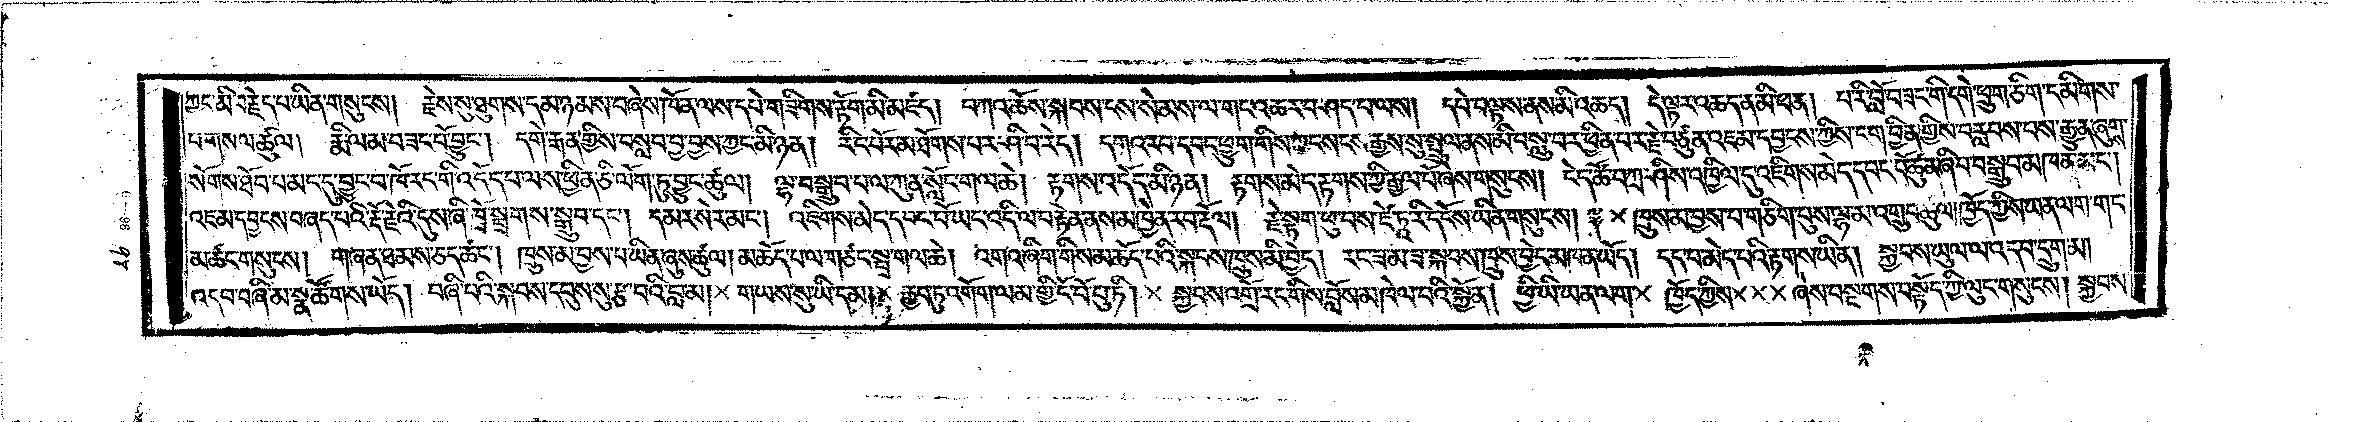ཀྱང་མི་བརྗེད་པ་ཡིན་གསུངས། རྗེས་སུ་ཐུགས་དམ་ཉམས་བཞེས་ཁོ་ན་ལས་དཔེ་གཟིགས་རྟོག་མི་མཛད། བཀའ་ཆོས་སྐབས་ངས་སེམས་ལ་གང་འཆར་བཤད་པ་ལས། དཔེ་བལྟས་ནས་མི་འཆད། དེ་ལྟར་འཆད་ན་མི་ཕན། པ་རི་བློ་བཟང་གི་དགེ་ཕྲུག་ཅིག་དམིགས་
པ་གསལ་ཚུལ། རྨི་ལམ་བཟང་པོ་བྱུང་། དགེ་རྒན་གྱིས་བསླབ་བྱ་བྱས་ཀྱང་མི་ཉན། རིང་པོར་མ་ཐོགས་པར་ཤི་བ་རེད། དགའ་རབ་དབང་ཕྱུག་གིས་ཀྱང་སངས་རྒྱས་སུ་སྤྲུལ་ནས་མི་བསླུ་བར་ཕྱིན་པར་རྗེ་བཙུན་འཇམ་དབྱངས་ཀྱིས་ངག་བྱིན་གྱིས་བརླབས་པས་རྒྱུན་ཞལ་
སོགས་ཐོབ་པ་མང་དུ་བྱུང་བ་ཁོ་རང་གི་འདོད་པ་ལས་ཕྱིན་ཅི་ལོག་ཏུ་བྱུང་ཚུལ། ལྷ་བསྒྲུབ་པ་ལ་ཀུན་སློང་གལ་ཆེ། རྟགས་འདོད་མི་ཉན། རྟགས་མེད་རྟགས་ཀྱི་རྒྱལ་པོ་ཞེས་གསུངས། ངེད་ཚོ་བཀྲ་ཤིས་འཁྱིལ་དུ་འཇིགས་མེད་དབང་བོ་ཚུན་ཞིབ་བསྒྲུབ་མཁན་མང་།
འཇམ་དབྱངས་བཞད་པའི་རྡོ་རྗེའི་དུས་ཞི་ཁྲོ་སྦྲགས་སྒྲུབ་དང་། དམར་སེར་མང་། འཇིགས་མེད་དབང་པོ་ཡང་འདི་ལ་བརྟེན་ནས་མཁྱེན་རབ་རྡོལ། རྗེ་སྟག་ཕུ་བས་ཛེ་ཏཱ་རི་དངོས་ཡིན་གསུངས། ༈ ྾་ཁྲུས་མ་བྱས་པ་གཅིག་པུས་ལྷ་མ་འགྲུབ་ཚུལ། ཁྱོད་ཀྱིས་ཡན་ལག་གང་
མཚང་གསུངས། གཞན་ཐམས་ཅད་ཚང་། ཁྲུས་མ་བྱས་པ་ཡིན་ཞུས་ཚུལ། མཆོད་པ་ལ་གཙང་སྦྲ་གལ་ཆེ། འགའ་ཞིག་གིས་མཆོད་པའི་སྐབས་ཁྲུས་མི་བྱེད། རང་ཟམ་ཟ་སྐབས་ཁྲུས་བྱེད་མཁན་ཡོད། དད་པ་མེད་པའི་རྟགས་ཡིན། སྐྱབས་ཡུལ་ལ་འདབ་དྲུག་མ།
འདབ་བཞི་མ་སྣ་ཚོགས་ཡོད། བཞི་པའི་སྐབས་དབུས་སུ་རྩ་བའི་བླ་མ། ྾་གཡས་སུ་ཡི་དམ། ྾་རྒྱབ་ཏུ་འགོག་ལམ་གྱི་ངོ་བོ་བུ་ཏི། ྾་སྐྱབས་འགྲོ་རང་གིས་བློས་མཁེལ་བའི་སྐྱོན། ཕྱི་ཡི་ཡན་ལག་྾་ཁྱོད་ཀྱིས་྾྾྾་ཞེས་བསྔགས་བསྟོད་ཀྱི་ལུང་གསུངས། སྐྱབས་